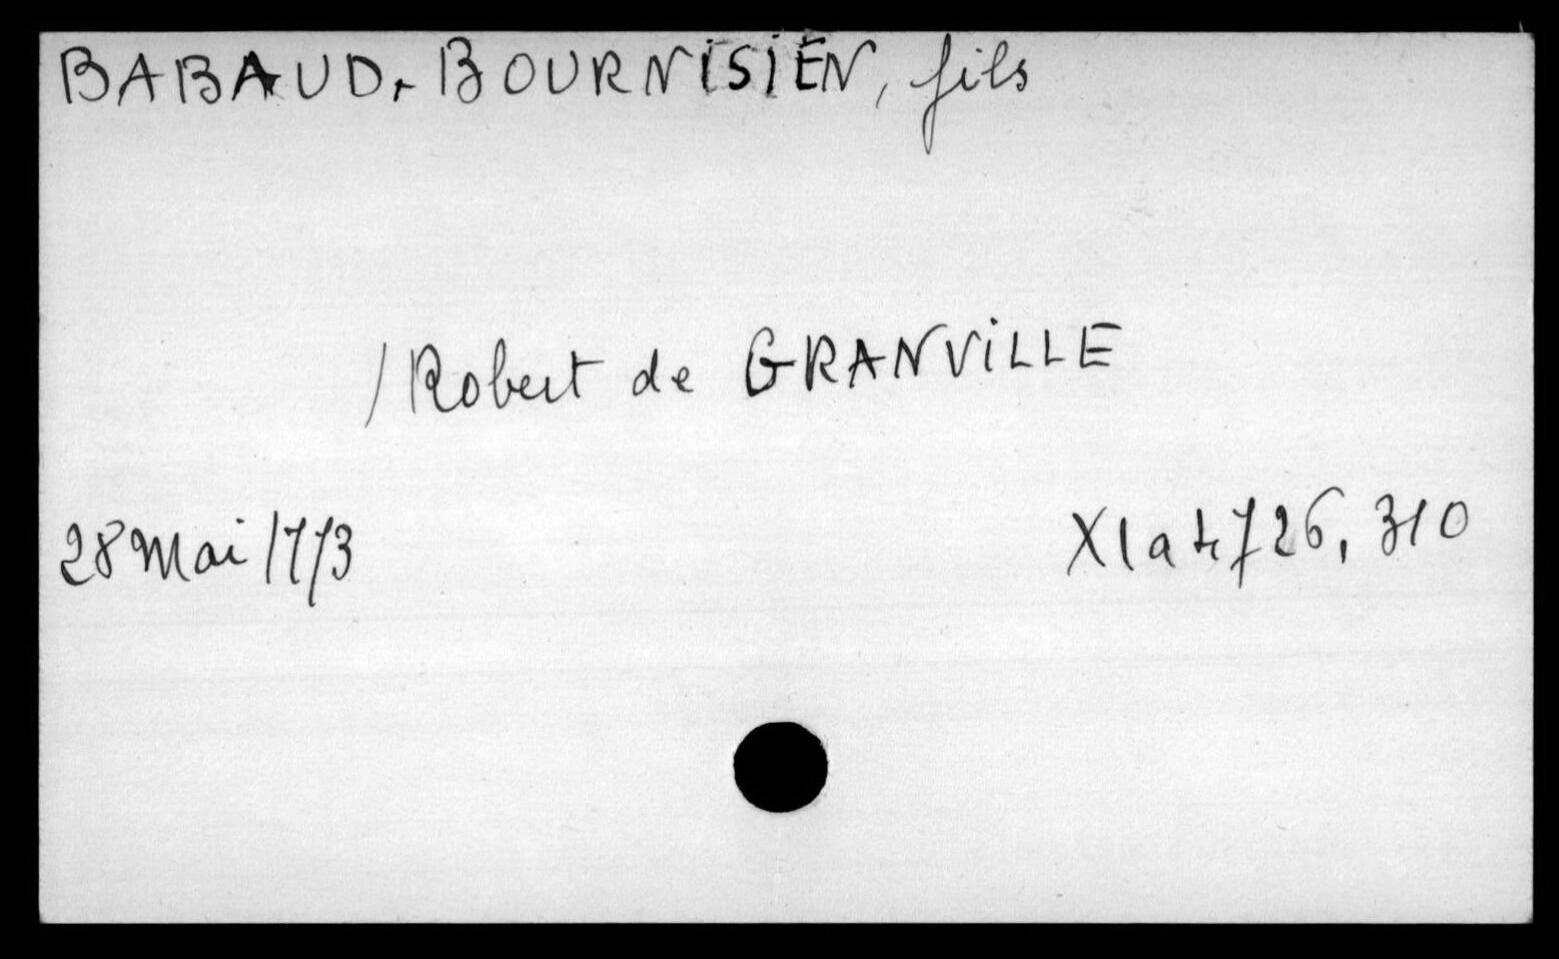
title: BABAUD, BOURNISIEN, fils
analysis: Contre Robert de GRANVILLE
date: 28 mai 1773
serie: X1a
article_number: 4726
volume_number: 310
